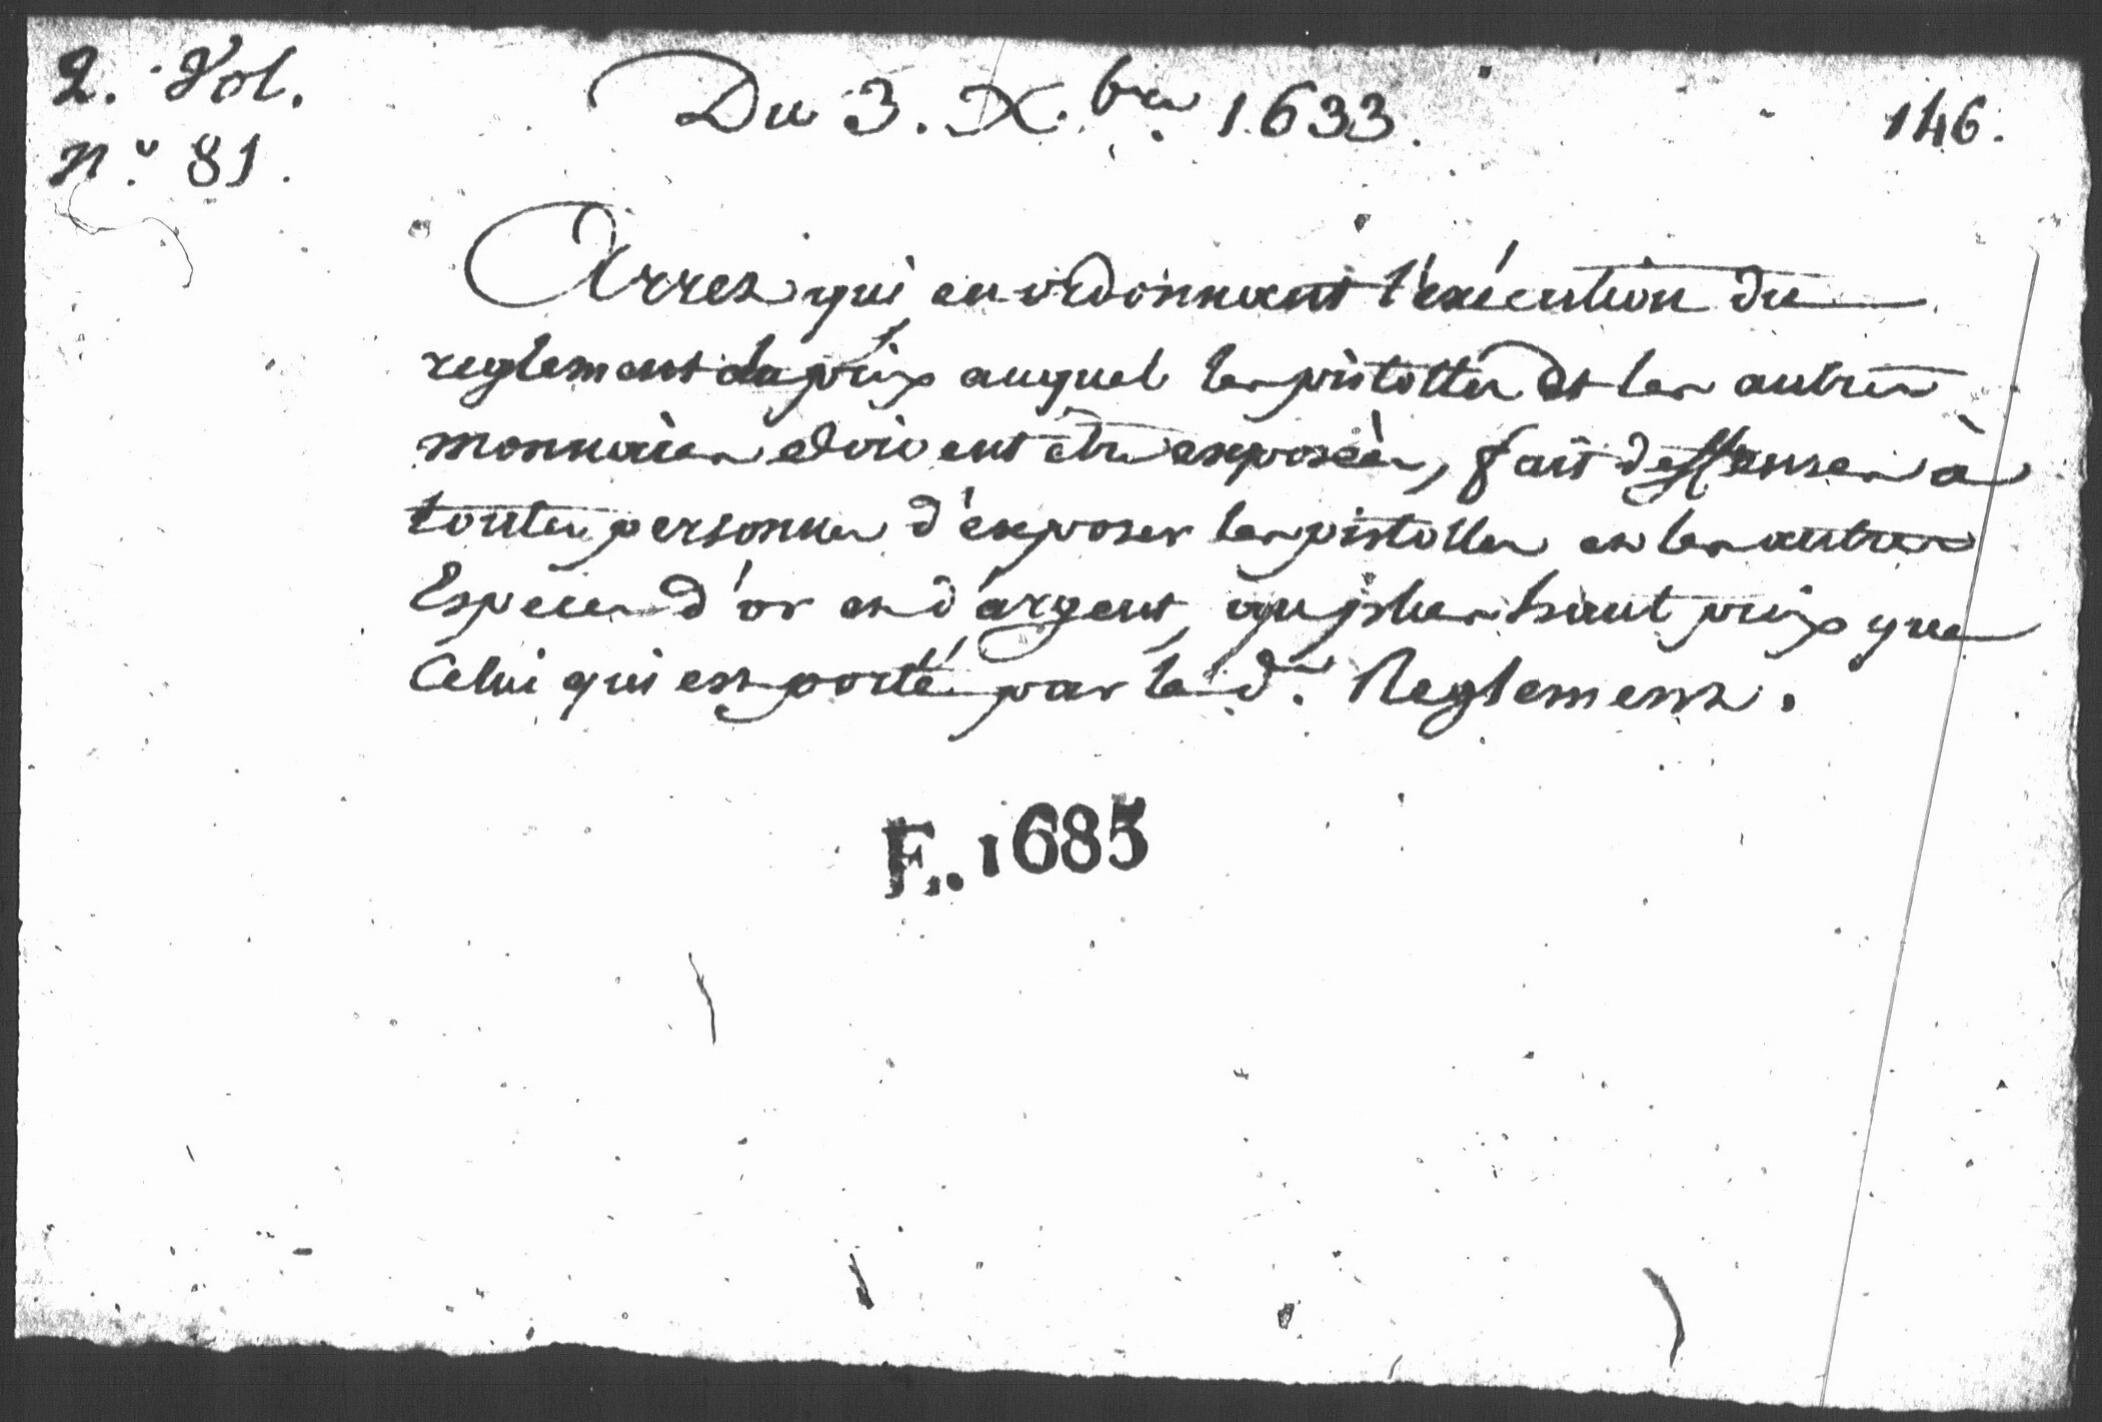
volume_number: n°81
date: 3 décembre 1633
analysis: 146
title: Arret qui en ordonnant l'exécution du reglement du prix auquel les pistolles et les autres monnaies doivent être exposées, fait deffenses à toutes personnes d'exposer les pistolles et les autres especes d'or et d'argent au plus haut prix que celui qui est porté par led. reglement
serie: E
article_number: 1685
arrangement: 2. vol.
